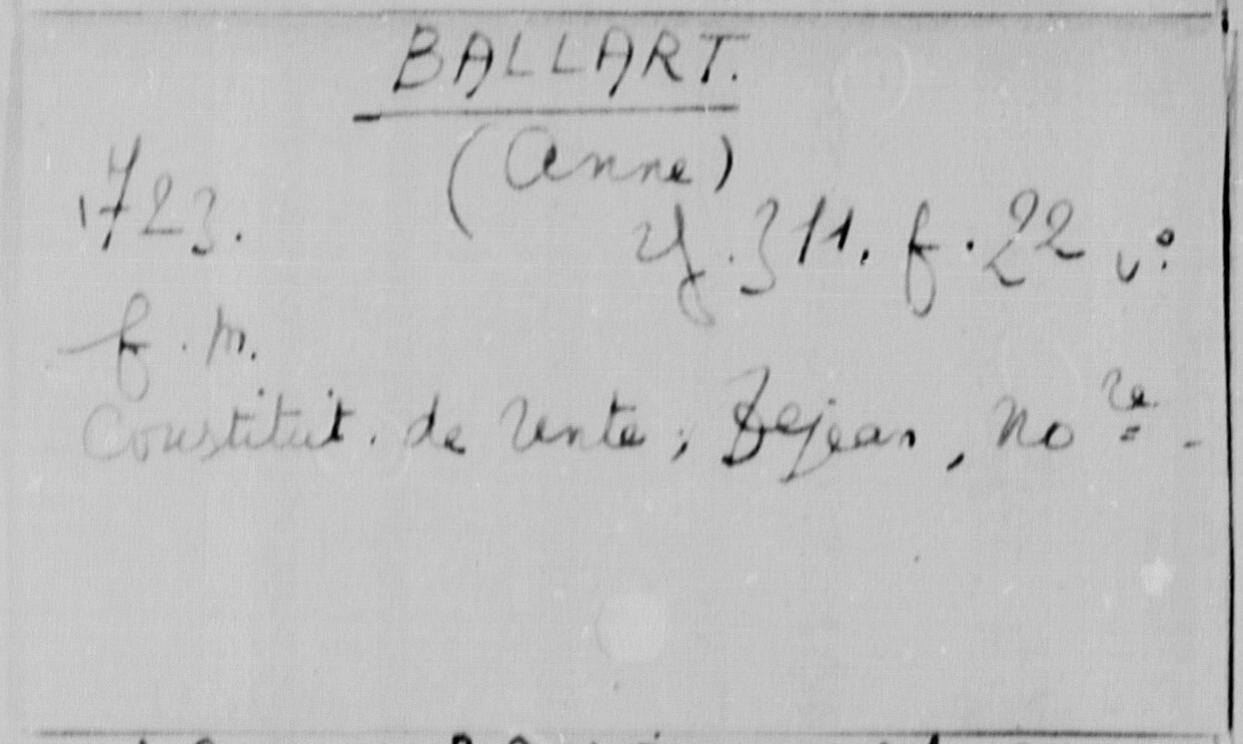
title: BALLART (Anne)
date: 1723
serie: Y
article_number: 311
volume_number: folio 22 v°
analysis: Fille majeure. Constitution de rente, Dejean, notaire.
